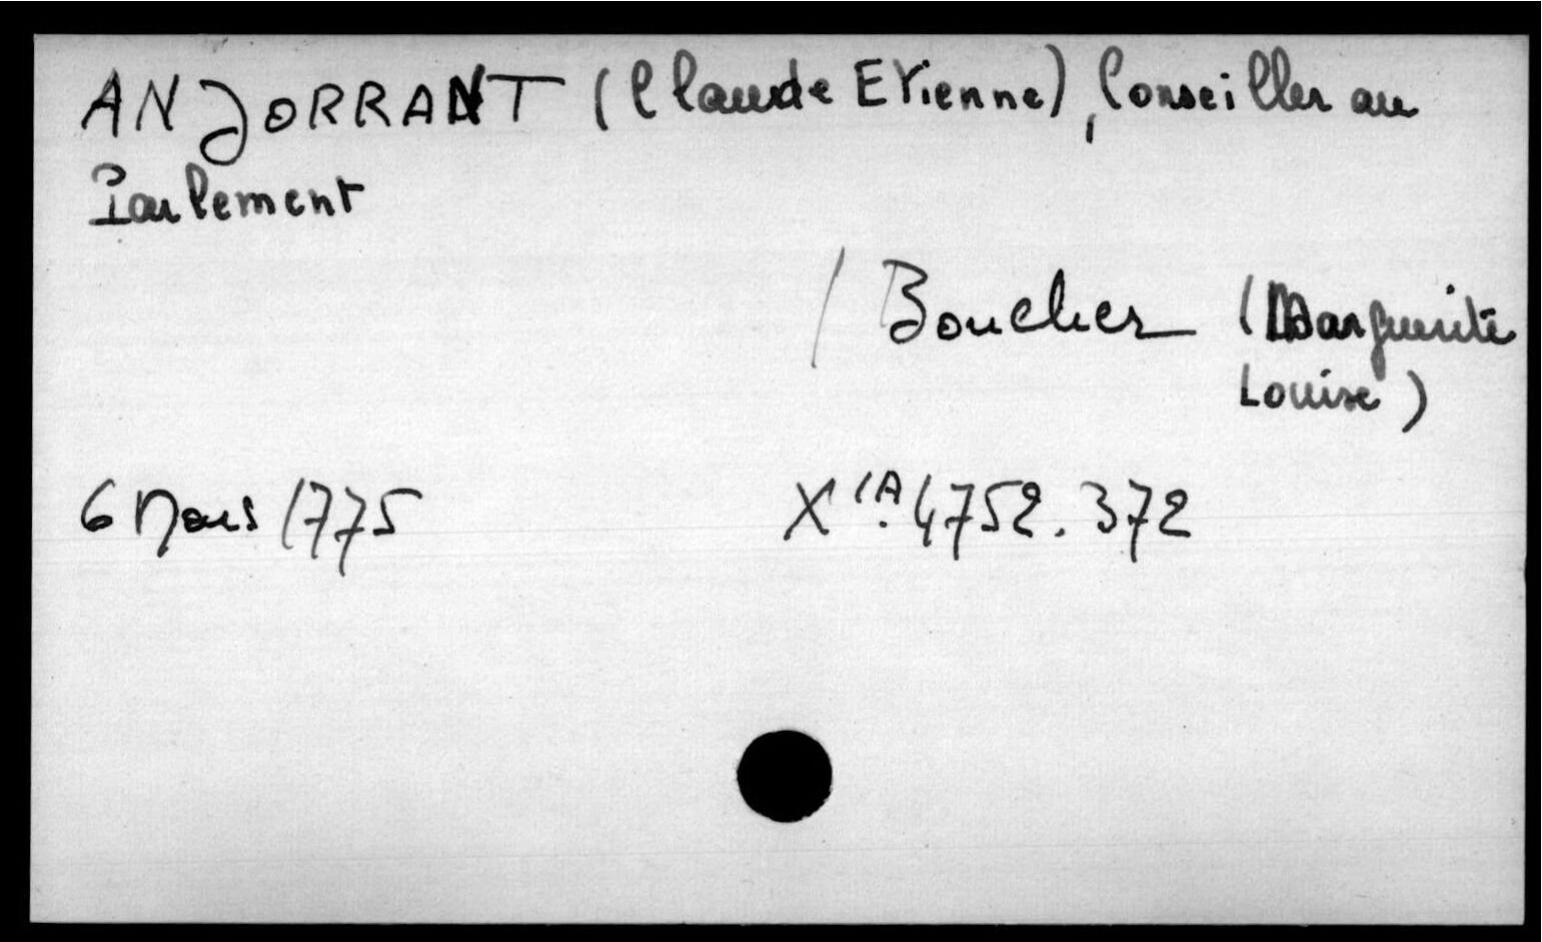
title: ANJORRANT (Claude Étienne), Conseiller au Parlement
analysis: Contre Boucher (Marguerite Louise)
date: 6 mars 1775
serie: X1A
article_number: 4752
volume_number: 372
